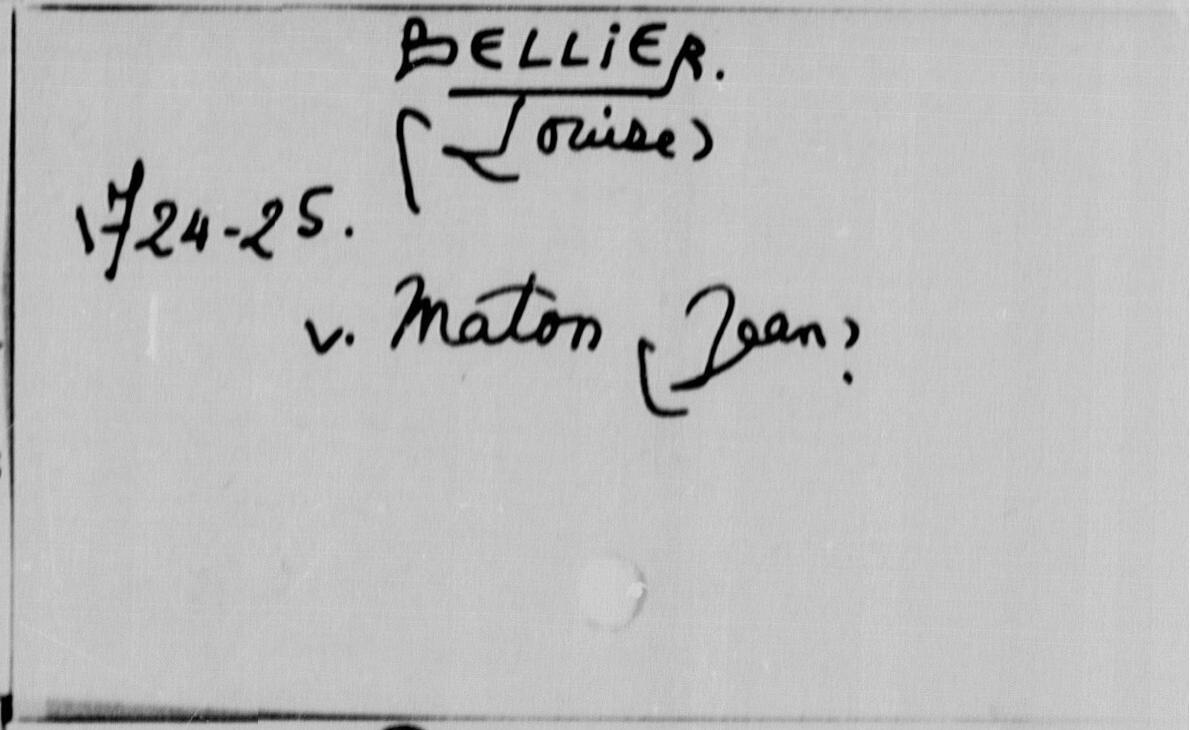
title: BELLIER (Louise)
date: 1724-1725
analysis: Voir Maton (Jean)
